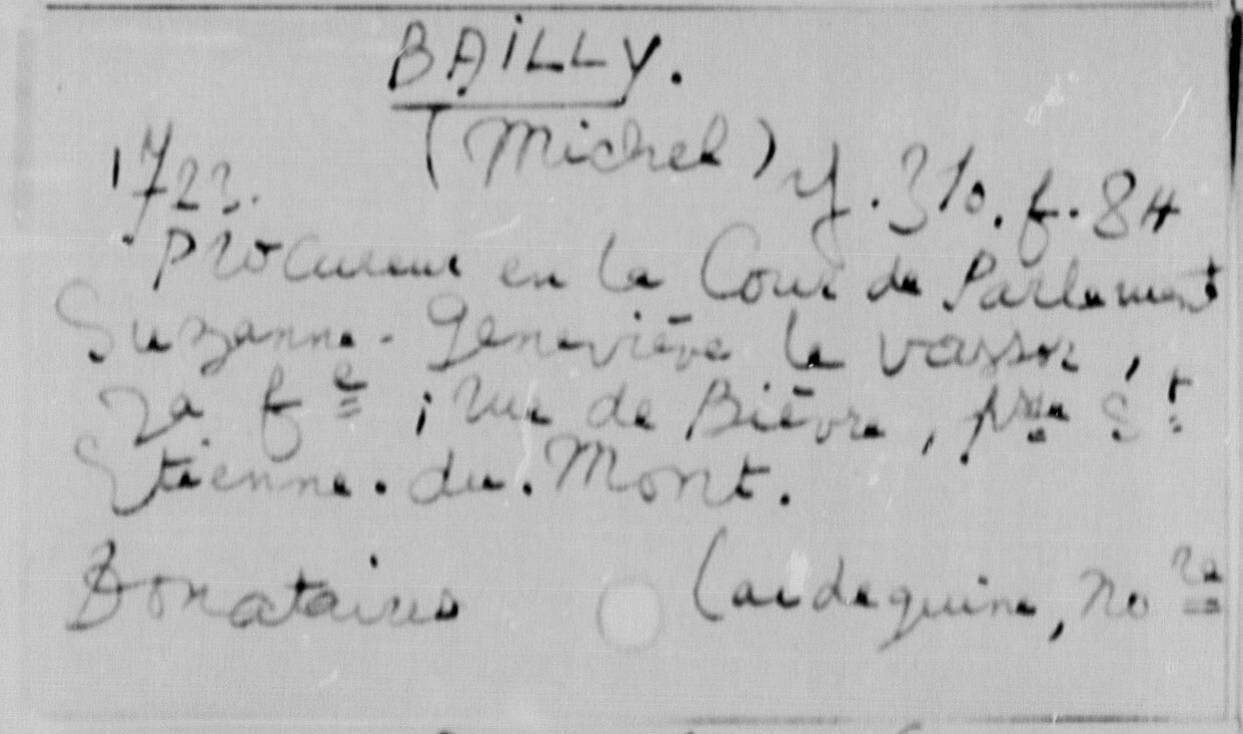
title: BAILLY (Michel)
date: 1723
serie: Y
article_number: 310
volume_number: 84
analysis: Procureur en la Cour du Parlement. Suzanne-Geneviève le Vassor, sa femme ; rue de Bièvre, paroisse Saint-Étienne-du-Mont. Donataires. Lardeguine, notaire.
